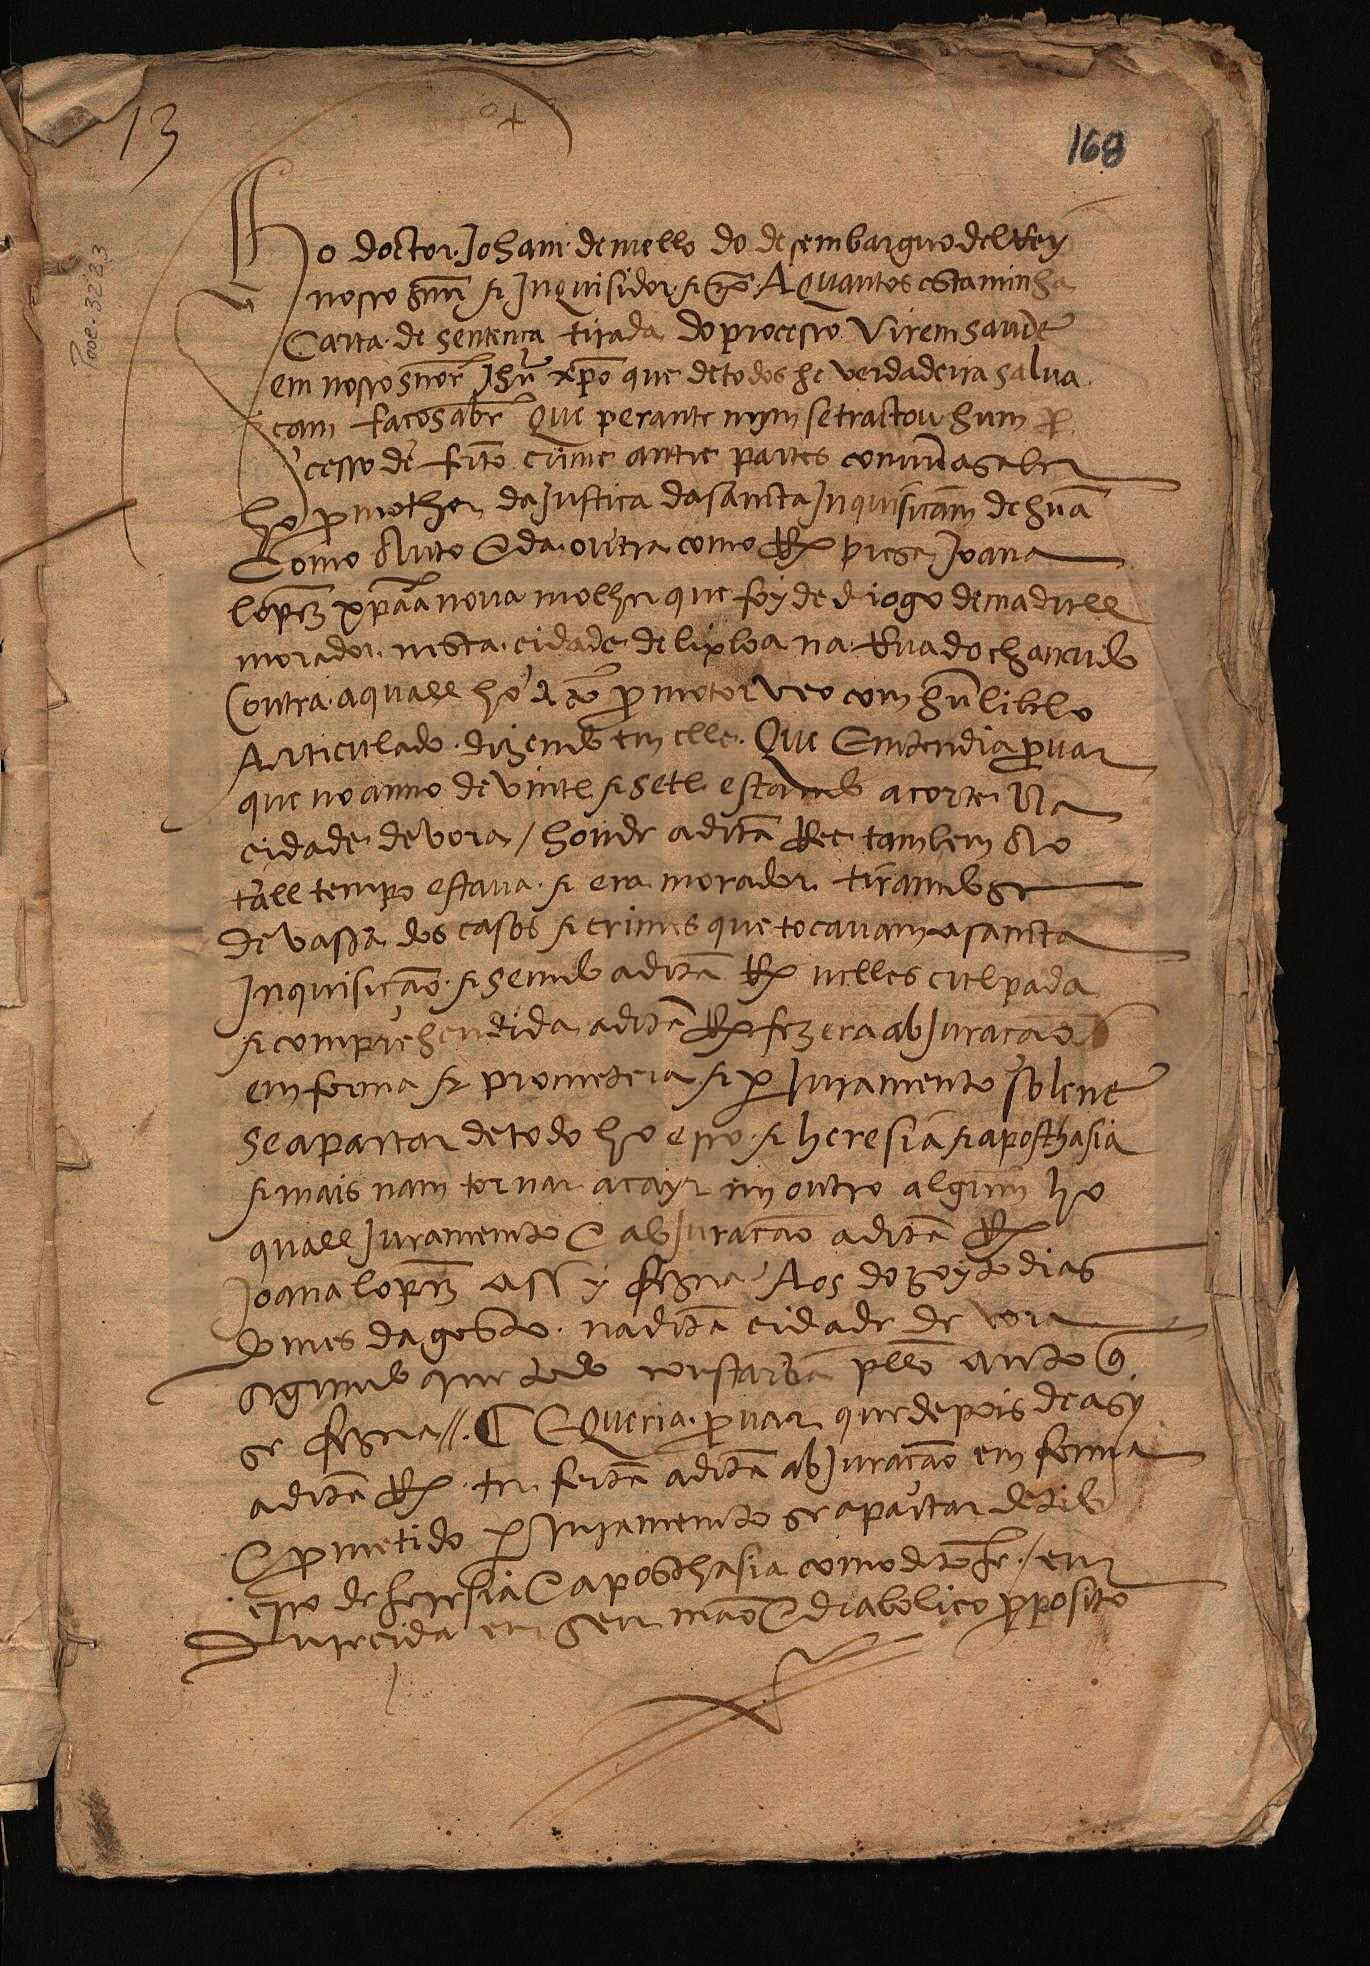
Ho doctor Joham de mello do desembarguo del Rey
nosso sn̄or e Jnquisidor e c̄ꝭ A quantos esta minha
Carta de sentença tirada do processo Virem saude
em nosso s̄nor Jhū xp̄o que de todos he verdadeira salua
çam faço sabr̄ que perante mym se tractou hum ꝓ
cesso de feito crime antre partes comuē a saber
ho ꝓmothor da Justiça da sancta Jnquisiçam de huā
Como Auto e da outra como Rꝭ presa Joana
lopez xpāa noua molher que foy de diogo de madrill
morador nesta cidade de lixboa na Rua do chancudo
Contra a quall ho dito ꝓmotor veo com hū libelo
Articulado dizendo em elle. Que Emtendia ꝓuar
que no anno de vinte e sete estando a corte Na
cidade devora / honde a dita Ree tambem Ao
tall tempo estaua. e era morador tiramdose
devassa dos casos e crimes que tocauam a sancta
Jnquisição. e semdo a dita Rꝭ nelles culpada
e comprehendida a dita Rꝭ fezera abJuraçaõ
em forma e prometera e ꝑ Juramento solene
se apartar de todo ho erro e heresia e aposthasia
e mais nam tornar a cayr em outro algum ho
quall Juramemto e abJuração a dita Rꝭ
Joana lopez assy fezera Aos dezoyto dias
do mes dagosto na dita cidade devora
segundo que todo constaua p̄llo auto q̄
se fezera /. ¶ E Queria. ꝓuar que depois de asy
a dita Rꝭ. ter feita a dita abJuração em forma
e ꝓmetido ꝑ Juramemto se apartar de todo
erro de heresia e aposthasia como dito he ./ em
durecida em seu mao e diabolico ꝓposito
